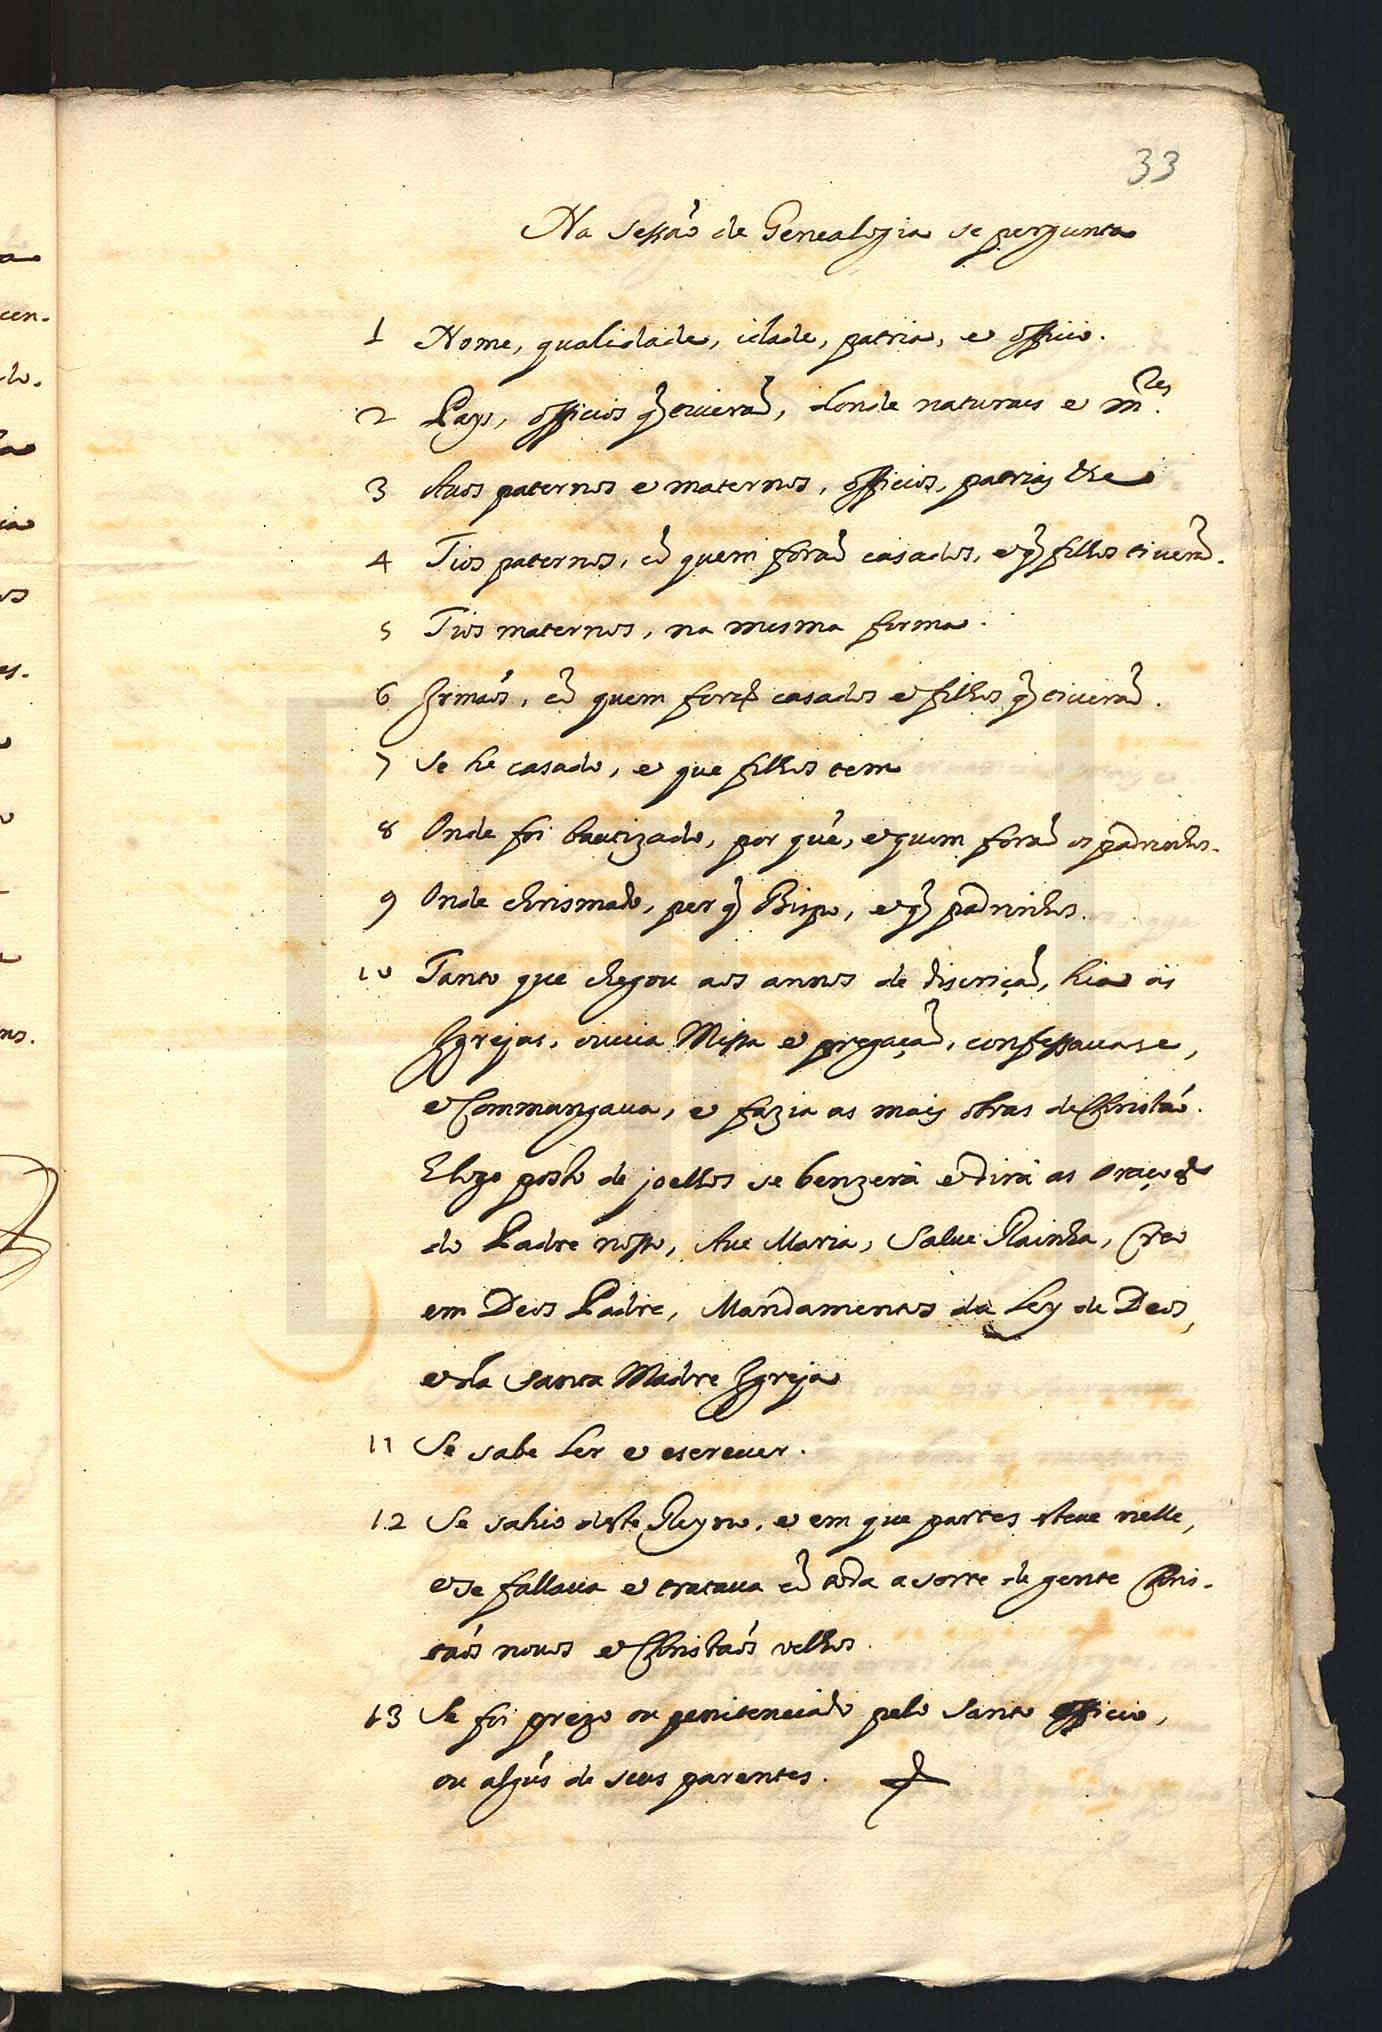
Na sessaõ de Genealogia se pergunta
1 Nome, qualidade, idade, patria, e officio.
2 Pays, officios q̄ tiueraõ, donde naturaes e mres.
3 Auos paternos e maternos, officios, patrias &a
4 Tios paternos, cō quem foraõ casados, e q̄ filhos tiuerā.
5 Tios maternos, na mesma forma.
6 Jrmaõs, cō quem foraõ casados e filhos q̄ tiueraõ.
7 Se he casado, e que filhos tem
8 Onde foi bautizado, por quē, e quem foraõ os padrinhos.
9 Onde chrismado, por q̄ Bispo, e q̄ padrinhos.
10 Tanto que chegou aos annos de discriçaõ, hia as
Jgrejas, ouuia Missa e pregaçaõ, confessauase,
e Commungaua, e fazia as mais obras de Christaõ.
E logo posto de joelhos se benzerà e dirà as oraçoẽs
do Padre nosso, Aue Maria, Salue Rainha, Creo
em Deos Padre, Mandamentos da Ley de Deos,
e da Santa Madre Jgreja
11 Se sabe ler e escreuer.
12 Se sahio deste Reyno, e em que partes esteue nelle,
e se fallaua e trataua cō toda a sorte de gente Chris
taõs nouos e Christaõs velhos.
13 Se foi prezo ou penitenciado pelo santo officio,
ou algūs de seus parentes.
